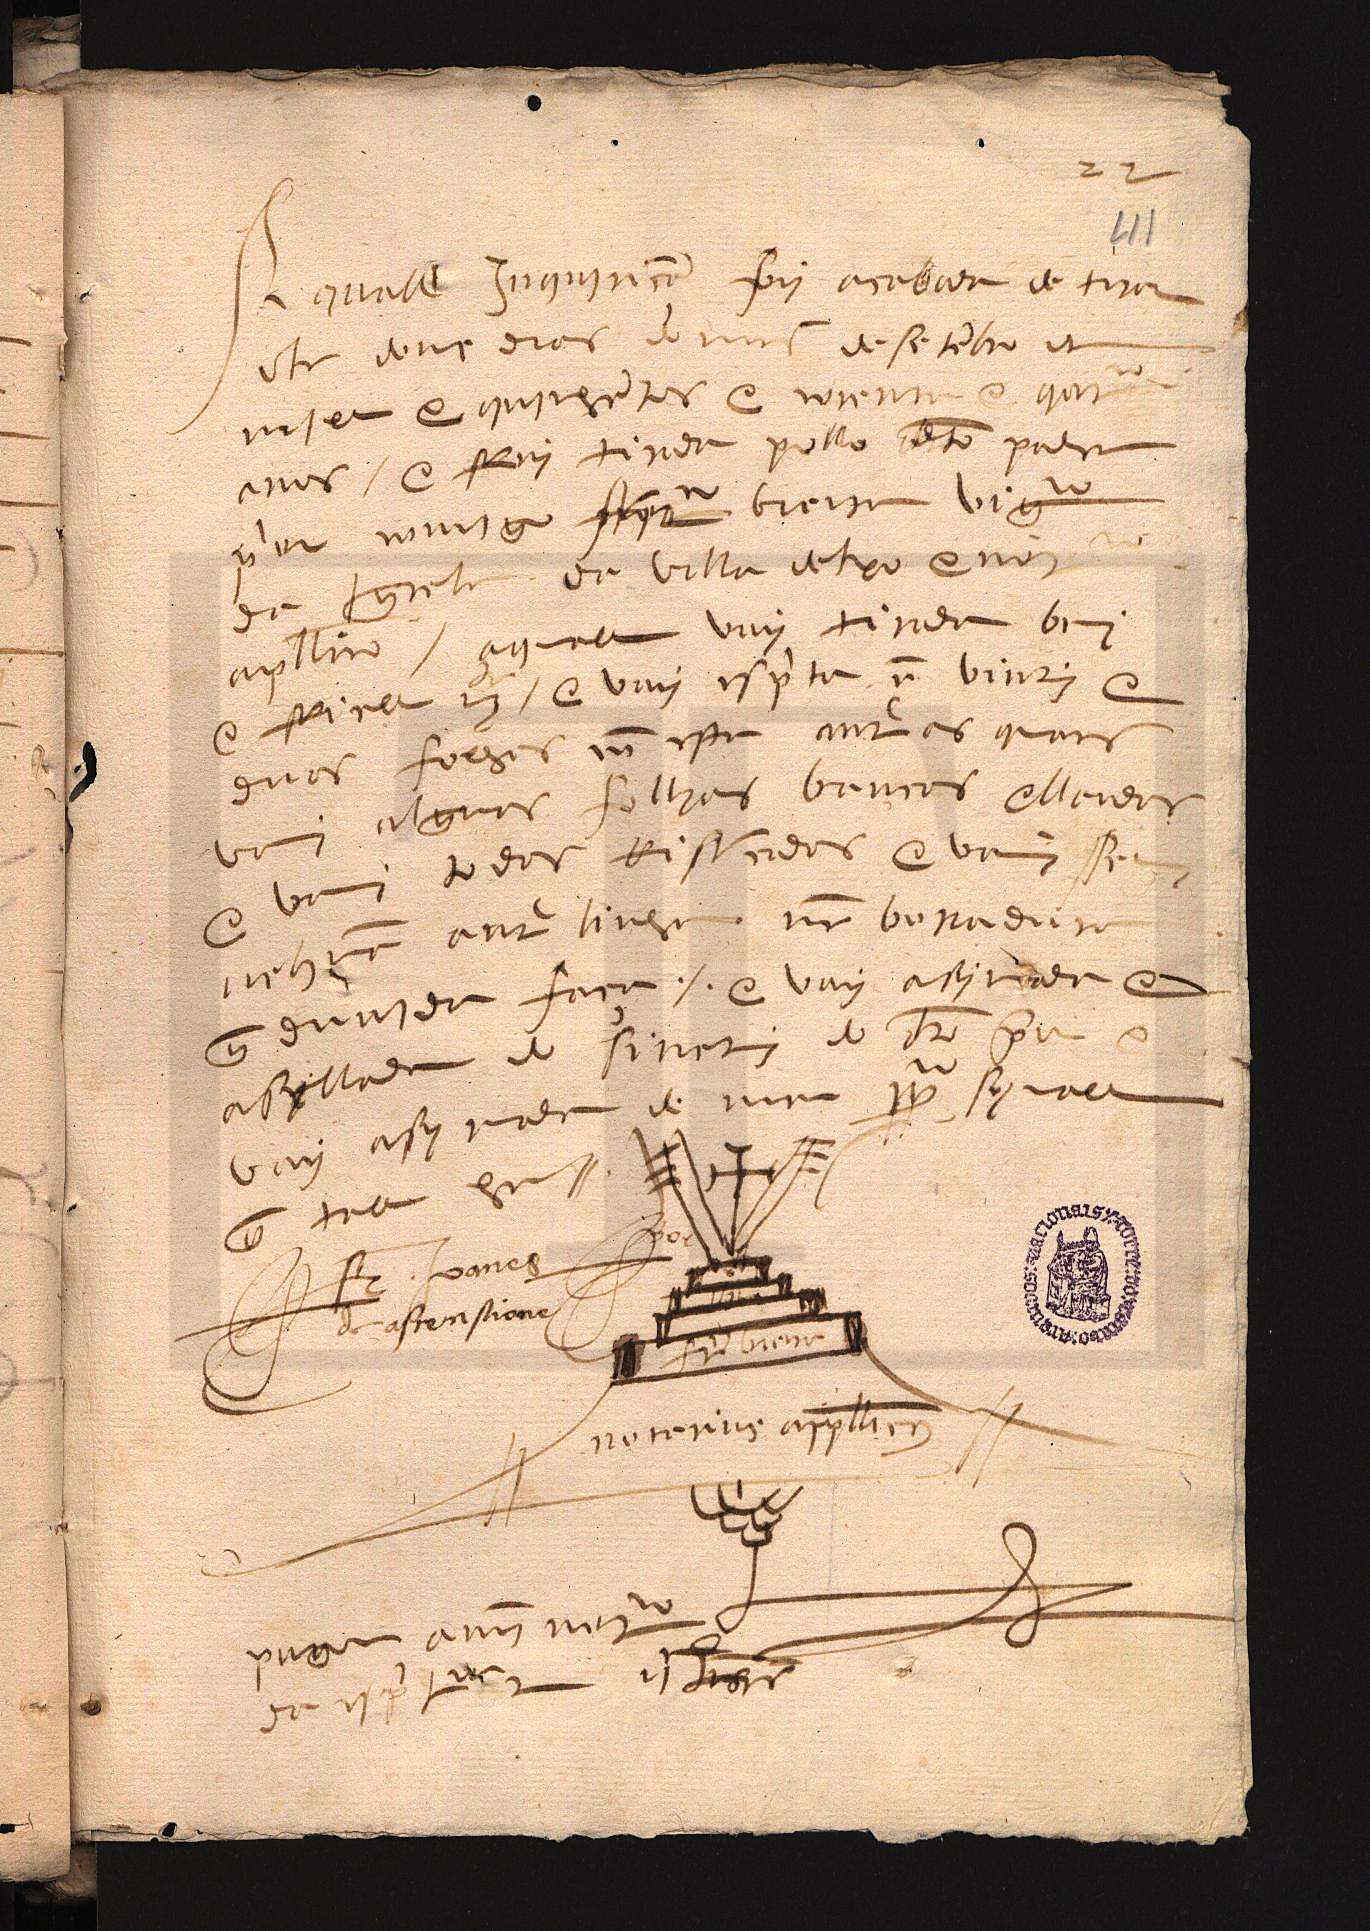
22
a quall Jnqujriçā foy acabada de tirar
oJe dous dias do mes de setēbro de
mjll e qujnhētos e corenta e qatro
anos / e foy tirada pollo d̄to padre
pior comigo ffrrco vieira vigro
da JgreIa da villa deIxo e notro
apllico / a quall vay tirada bem
e fiellmte / e vay espita ē vinte e
duas folhas cō esta ant̄ as quaes
vam alguas folhas bancas e laudas
e vam todas Riscadas e vam sem
nehuā ant̄linha nē borradura
q̄ duuida faça ./. e vay asynada e
asellada do sinete do d̄to p̄or e
vay asynada de meu ꝓpco synall
q̄ tall he //
fr Joanes
de ascensione
notarius app̄llicꝯ
pagou a mj̄ notro
da espitra – ijc r̄s rs̄
